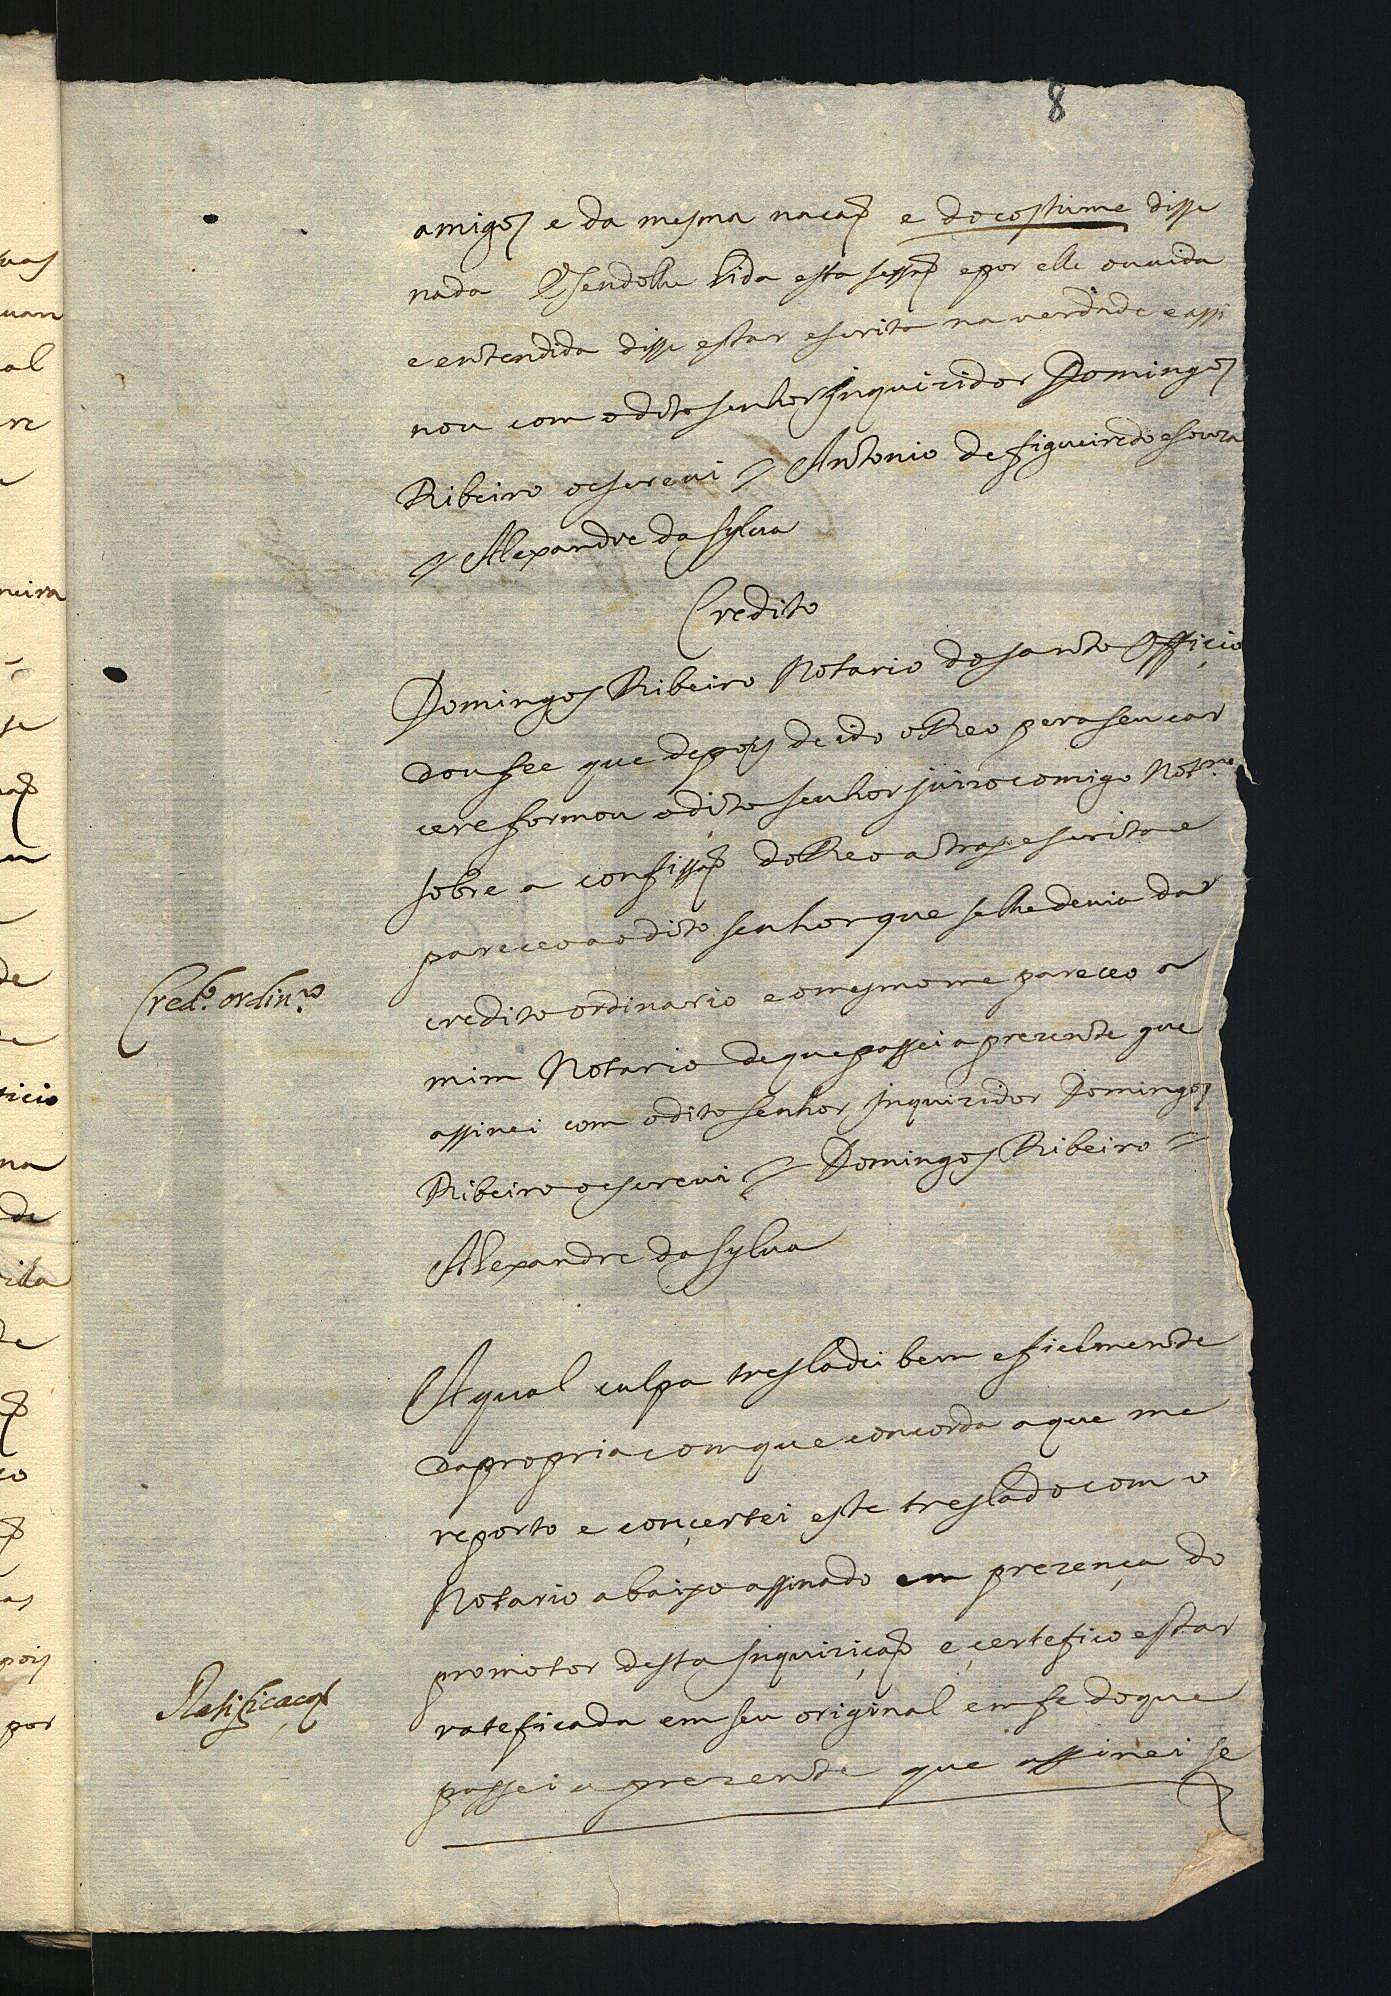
amigos e da mesma naçaõ e do costume disse
nada E sendolhe lida esta sessaõ e por elle ouuida
e entendida disse estar escrita na uerdade e assi
nou com o dito senhor jnquizidor Domingos
Ribeiro o escreui // Antonio de figueiredo souza
// Alexandre da sylua
Credito
Domingos Ribeiro notario do santo Officio
dou fee que depois de ido o Reo pera seu car
cere formou o dito senhor juizo comigo not.ro
sobre a confissaõ do Reo atras escrita e
pareceo ao dito senhor que se lhe deuia dar
credito ordinario e o mesmo me pareceo a
Cred.o ordin.ro
mim Notario de que passei a prezente que
assinei com o dito senhor jnquizidor Domingos
Ribeiro o escreui // Domingos Ribeiro //
Alexandre da Sylua
A qual culpa tresladei bem e fielmente
da propria com que concorda a que me
reporto e concertei este treslado com o
notario abaixo assinado em prezença do
promotor desta jnquiziçaõ e certefico estar
rateficada em seu original em fe do que
Ratificaçaõ
passei a prezente que assinei se
